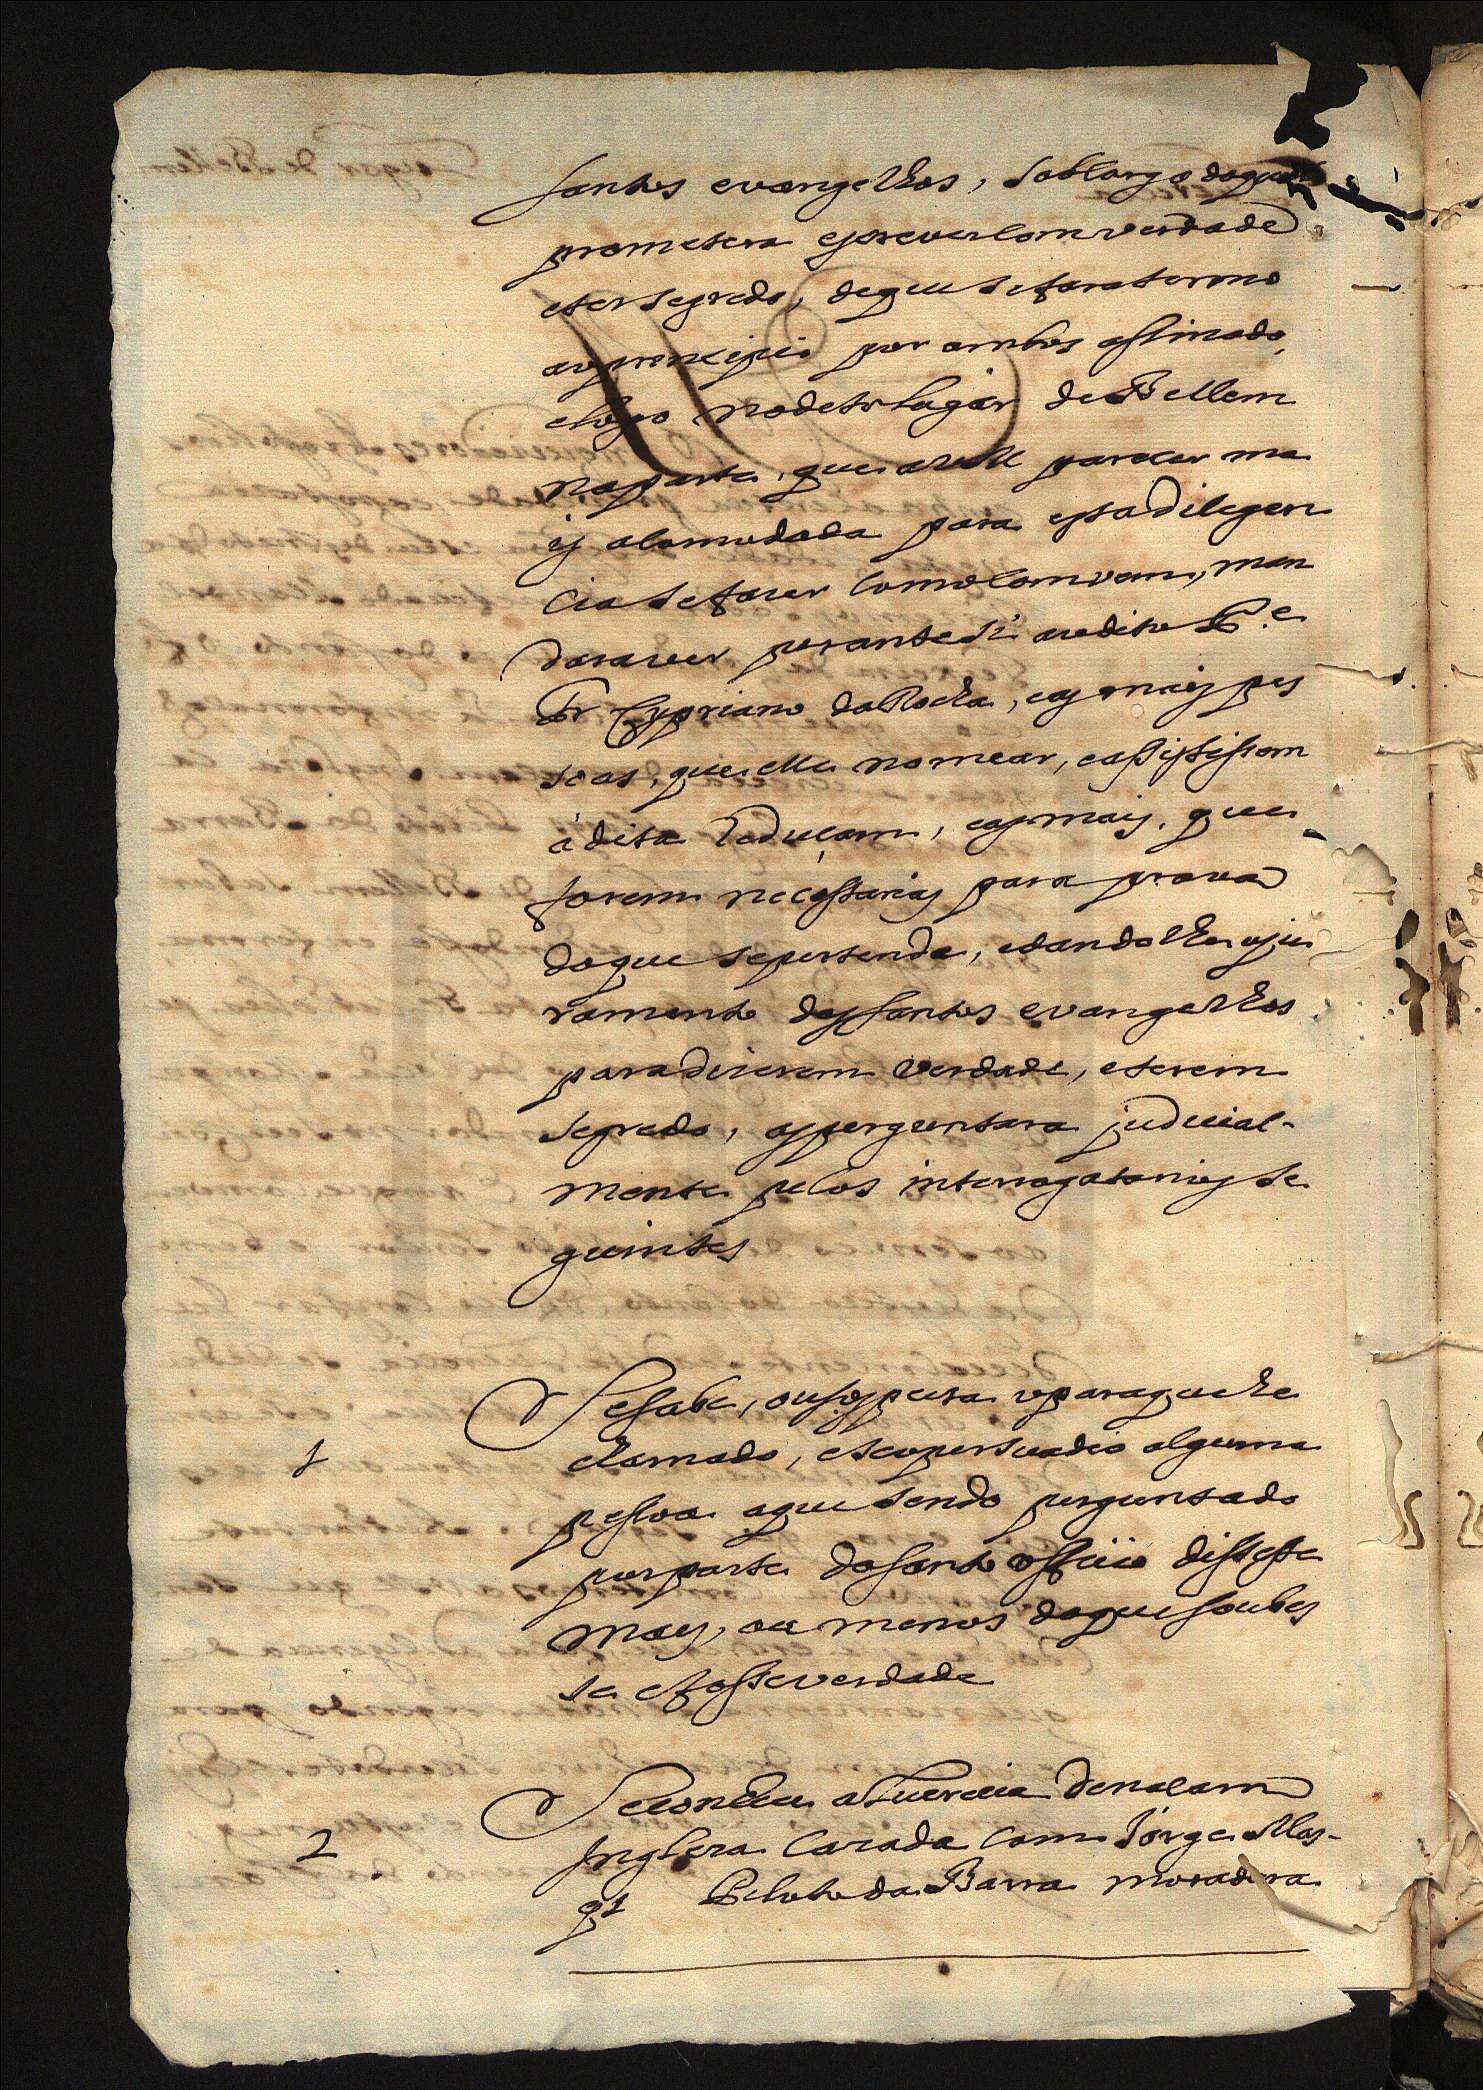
santos evangelhos, sob cargo do que
prometera escrever com verdade
e ter segredo de que se fara termo
ao principio por ambos assinado
e logo no dito lugar de Bellem
na parte, que a vM parecer ma
is acomodada para esta dilegen
cia se fazer como comvem, man
dara vir perante si ao dito P.e
Fr Cypriano da Rocha, e as mais pes
soas, que elle nomear, e assistissem
á dita Reduçam, e as mais, que
forem necessarias para prova
do que se pertende, e dandolhe o ju
ramento dos Santos evangelhos
para dizerem verdade, e terem
segredo, as perguntara judicial
mente pelos interrogatorios se
guintes
Se sabe, ou sospeita o para que he
1
chamado, e se o persuadio alguma
pessoa a que sendo perguntado
por parte do Santo officio dissesse
mais, ou menos do que soubes
se e fosse verdade
Se conhece a Lucrecia de naçam
2
Jngleza cazada com Iorge Mas
qs Piloto da Barra moradora
